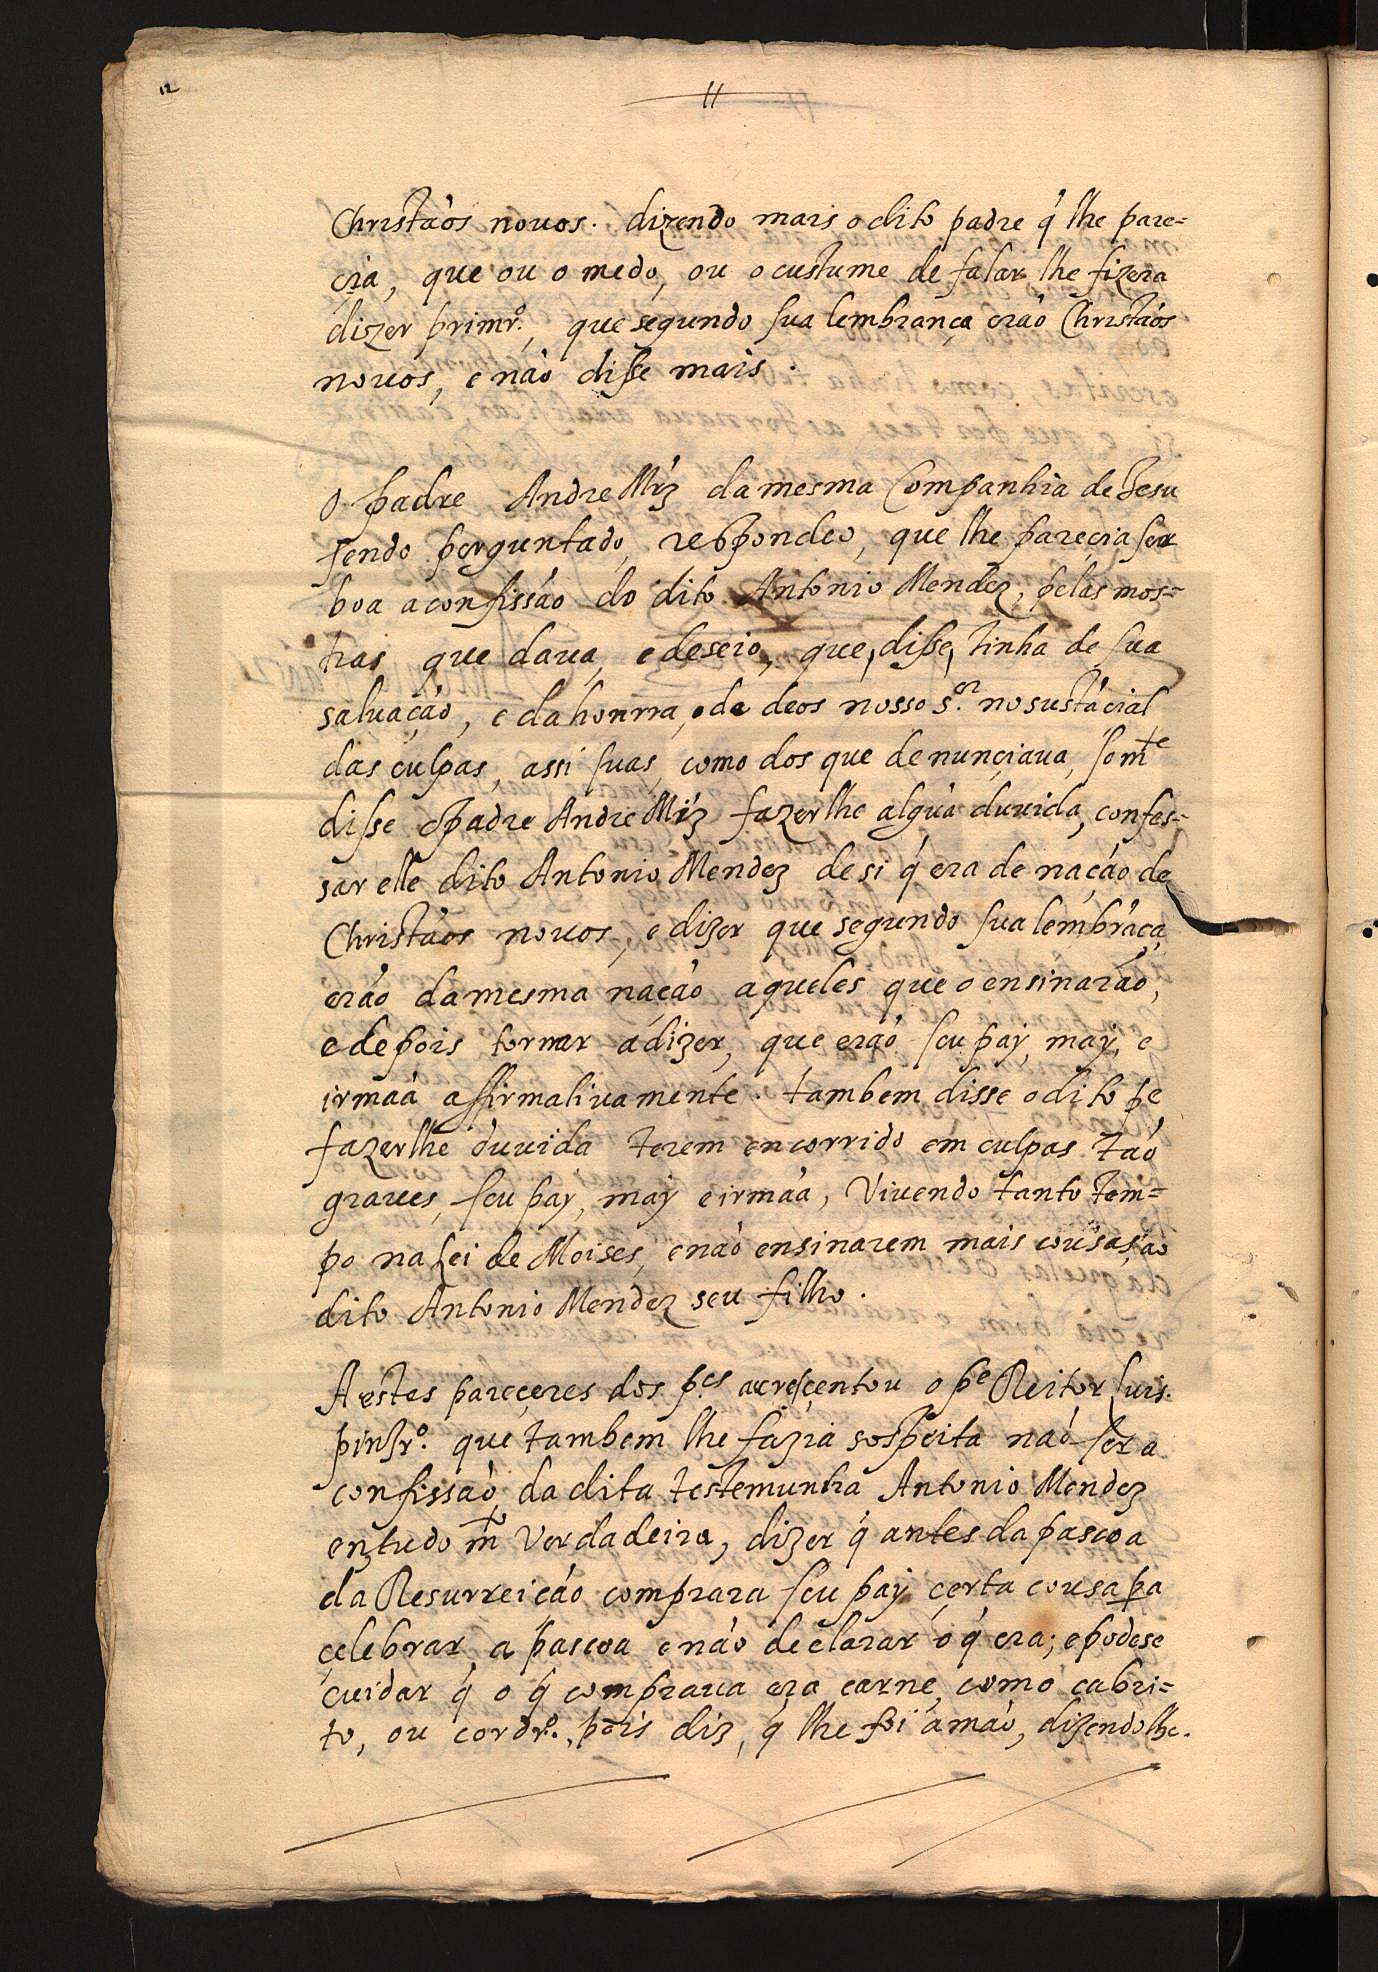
Christaõs nouos. dizendo mais o dito padre q̄ lhe pare
çia, que ou o medo, ou o custume de falar lhe fizera
dizer primr.o, que segundo sua lembrança eraõ Christaõs
nouos, e naõ disse mais.
O padre Andre Mrz̄ da mesma Companhia de Iesu
sendo perguntado, respondeo, que lhe pareçia ser
boa a confissão do dito Antonio Mendez, pelas mos
tras que daua, e deseio, que, disse, tinha de sua
saluação, e da honrra, e de deos nosso s.or no sustācial
das culpas, assi suas, como dos que denunçiaua, somte
disse o padre Andre Miz̄ fazerlhe alguā duuida, confes
sar elle dito Antonio Mendez de si q̄ era de nação de
Christãos nouos, e dizer que segundo sua lembrāça,
erão da mesma nação aqueles que o ensinarão,
e depois tornar a dizer, que eraõ seu pay, may, e
irmaā affirmatiuamente. tambem disse o dito pe
fazerlhe duuida terem encorrido em culpas taõ
graues, seu pay, may e irmaā, Viuendo tanto tem
po na Lei de Moises, e naõ ensinarem mais cousas, ao
dito Antonio Mendez seu filho.
A estes pareçeres dos p.es accresçentou o pe Reitor Luis
pinhro. que tambem lhe fazia sospeita naõ ser a
confissaõ da dita testemunha Antonio Mendez
en tudo mto Verdadeira, dizer q̄ antes da pascoa
da Resurreição comprara seu pay çerta cousa ꝑa
çelebrar a pascoa e não declarar o q̄ era; e podese
cuidar q̄ o q̄ compraua era carne, como cabri
to, ou cordro., pois diz, q̄ lhe foi a maõ, dizendolhe
